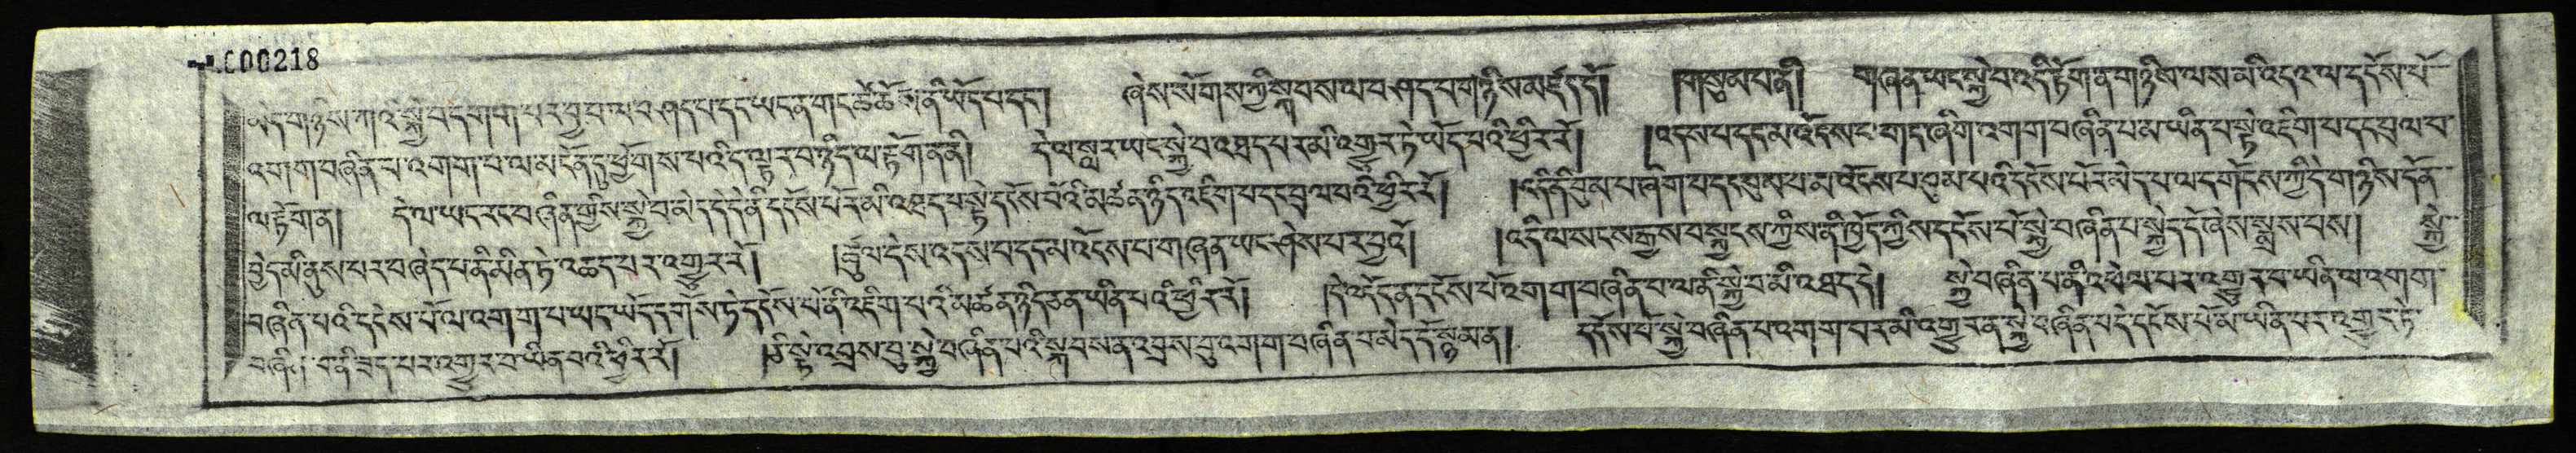མེད་གཉིས་ཀའི་སྐྱེ་བ་དགག་པར་བྱ་བ་ལ་བཤད་པ་དང་ཡང་ན་གང་ཚེ་ཆོས་ནི་ཡོད་པ་དང་། ཞེས་སོགས་ཀྱི་སྐབས་ལ་བཤད་པ་གཉིས་མཛད་དོ། །གསུམ་པ་ནི། གཞན་ཡང་སྐྱེ་བ་འདི་རྟོག་ན་གཉིས་ལས་མི་འདའ་ལ་དངོས་པོ་
འགག་བཞིན་པ་འགག་པ་ལ་མངོན་དུ་ཕྱོགས་པའི་ད་ལྟར་བ་ཉིད་ལ་རྟོག་ན་ནི། དེ་ལ་སླར་ཡང་སྐྱེ་བ་འཐད་པར་མི་འགྱུར་ཏེ་ཡོད་པའི་ཕྱིར་རོ། །འདས་པ་དང་མ་འོངས་པ་གང་ཞིག་འགག་བཞིན་པ་མ་ཡིན་པ་སྟེ་འཇིག་པ་དང་བྲལ་བ་
ལ་རྟོག་ན། དེ་ལ་ཡང་རང་བཞིན་གྱིས་སྐྱེ་བ་མེད་དེ་དེ་ནི་དངོས་པོར་མི་འཐད་པ་སྟེ་དངོས་པོའི་མཚན་ཉིད་འཇིག་པ་དང་བྲལ་བའི་ཕྱིར་རོ། །འདི་ནི་བུམ་པ་ཞིག་པ་དང་བུམ་པ་མ་འོངས་པ་བུམ་པའི་དངོས་པོར་མེད་པ་ལ་དགོངས་ཀྱི་དེ་གཉིས་དོན་
བྱེད་མི་ནུས་པར་བཞེད་པ་ནི་མིན་ཏེ་འཆད་པར་འགྱུར་རོ། །ཚུལ་དེས་འདས་བ་དང་མ་འོངས་པ་གཞན་ཡང་ཤེས་པར་བྱའོ། །འདི་ལ་སངས་རྒྱས་བསྐྱངས་ཀྱིས་ནི་ཁྱོད་ཀྱིས་དངོས་པོ་སྐྱེ་བཞིན་པ་སྐྱེད་དོ་ཞེས་སྨྲས་པས། སྐྱེ་
བཞིན་པའི་དངོས་པོ་ལ་འགག་པ་ཡང་ཡོད་དགོས་ཏེ་དངོས་པོ་ནི་འཇིག་པའི་མཚན་ཉིད་ཅན་ཡིན་པའི་ཕྱིར་རོ། །དེ་འདོད་ན་དངོས་པོ་འགག་བཞིན་པ་ལ་ནི་སྐྱེ་བ་མི་འཐད་དེ། སྐྱེ་བཞིན་པ་ནི་འཕེལ་པར་འགྱུར་བ་ཡིན་ལ་འགག་
བཞིན་བ་ནི་ཟད་པར་འགྱུར་བ་ཡིན་བའི་ཕྱིར་རོ། །ཅི་སྟེ་འབྲས་བུ་སྐྱེ་བཞིན་པའི་སྐབས་ན་འབྲས་བུ་འགག་བཞིན་པ་མེད་དོ་སྙམ་ན། དངོས་པོ་སྐྱེ་བཞིན་པ་འགག་པར་མི་འགྱུར་ན་སྐྱེ་བཞིན་པ་དེ་དངོས་པོ་མ་ཡིན་པར་འགྱུར་ཏེ་